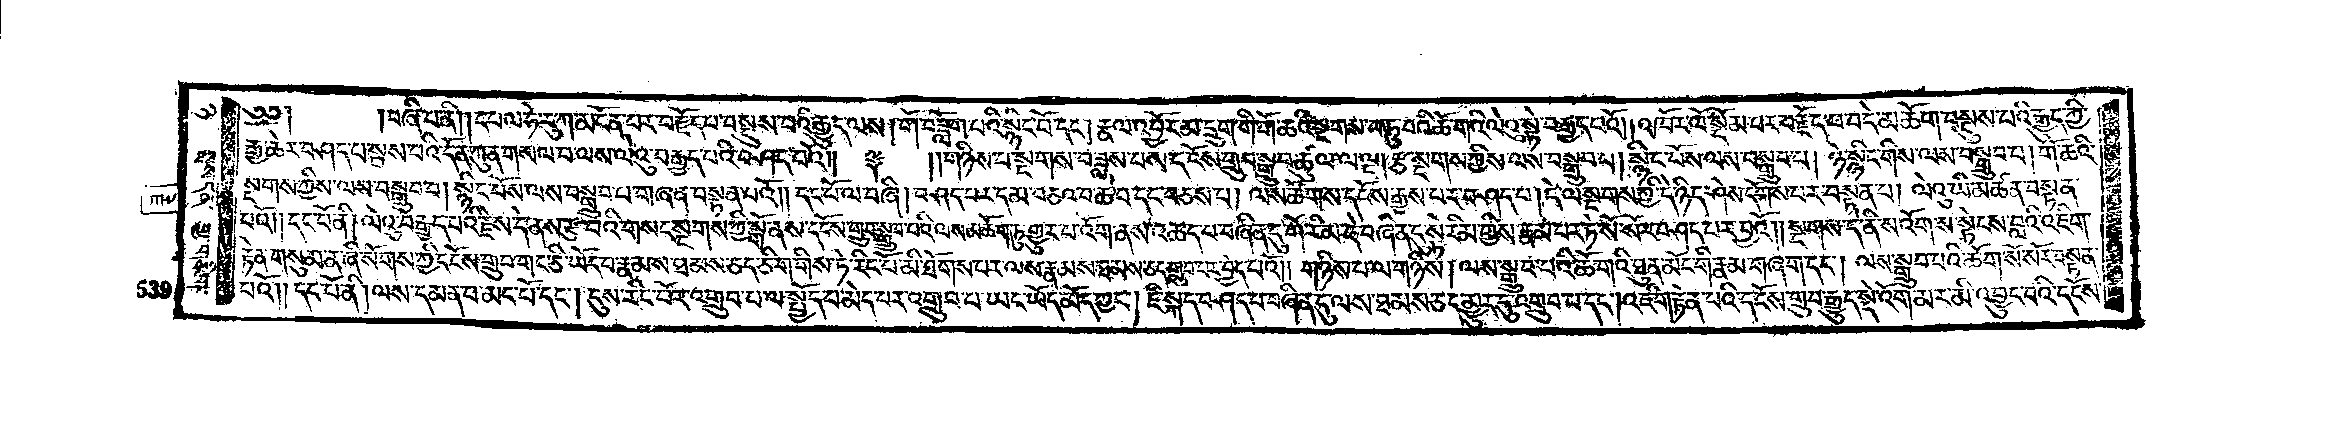༄༅། །བཞི་པ་ནི། །དཔལ་ཧེ་རུ་ཀ་མངོན་པར་བརྗོད་པ་བསྡུས་པའི་རྒྱུད་ལས། གོ་བཟློག་པའི་སྙིང་པོ་དང་། རྣལ་འབྱོར་མ་དྲུག་གི་གོ་ཆའི་སྔགས་བཏུ་བའི་ཆོ་གའི་ལེའུ་སྟེ་བརྒྱད་པའོ། །འཁོར་ལོ་སྡོམ་པར་བརྗོད་པ་བདེ་མཆོག་བསྡུས་པའི་རྒྱུད་ཀྱི་
རྒྱ་ཆེར་བཤད་པ་སྦས་པའི་དོན་ཀུན་གསལ་བ་ལས་ལེའུ་བརྒྱད་པའི་བཤད་པའོ།། ༈ །།གཉིས་པ་སྔགས་བཟླས་བས་དངོས་གྲུབ་སྒྲུབ་ཚུལ་ལ་ལྔ། རྩ་སྔགས་ཀྱིས་ལས་བསྒྲུབ་པ། སྙིང་པོས་ལས་བསྒྲུབ་པ། ཉེ་སྙིང་གིས་ལས་བསྒྲུབ་པ། གོ་ཆའི་
སྔགས་ཀྱིས་ལས་བསྒྲུབ་པ། སྙིང་པོས་ལས་བསྒྲུབ་པ་གཞན་བསྟན་པའོ། །དང་པོ་ལ་བཞི། བཤད་པར་དམ་བཅའ་བ་ཆེ་བ་དང་བཅས་པ། ལས་ཚོགས་དངོས་རྒྱས་པར་བཤད་པ། དེ་ལ་སྔགས་ཀྱི་དེ་ཉིད་ཤེས་དགོས་པར་བསྟན་པ། ལེའུ་ཡི་མཚན་བསྟན་
པའོ། །དང་པོ་ནི། ལེའུ་བརྒྱད་པའི་རྗེས་དེ་ནས་རྩ་བའི་གསང་སྔགས་ཀྱི་སྒོ་ནས་དངོས་གྲུབ་སྒྲུབ་པའི་ལས་མཆོག་ཏུ་གྱུར་པ་འོག་ནས་འཆད་པ་བཞིན་དུ་གོ་རིམ་ཇི་བཞིན་དུ་སྟེ་རིམ་གྱིས་རྣམ་པར་ཏེ་སོ་སོར་བཤད་པར་བྱའོ། །སྔགས་དེ་ནི་ས་འོག་ས་སྟེང་ས་བླའི་འཇིག་
རྟེན་གསུམ་ན་ཞི་སོགས་ཀྱི་དངོས་གྲུབ་གང་ཅི་ཡོད་པ་རྣམས་ཐམས་ཅད་ཅིག་གིས་ཏེ་རིང་པོ་མི་ཐོགས་པར་ལས་རྣམས་ཐམས་ཅད་གྲུབ་པར་བྱེད་པའོ། །གཉིས་པ་ལ་གཉིས། ལས་སྒྲུབ་པའི་ཆོ་གའི་ཐུན་མོང་གི་རྣམ་གཞག་དང་། ལས་སྒྲུབ་པའི་ཆོ་ག་སོ་སོར་བསྟན་
པའོ། །དང་པོ་ནི། ལས་དམན་པ་མང་པོ་དང་། དུས་རིང་པོར་འགྲུབ་པ་ལ་སྤྱོད་པ་མེད་པར་འགྲུབ་པ་ཡང་ཡོད་མོད་ཀྱང་། ཇི་སྐད་བཤད་པ་བཞིན་དུ་ལས་ཐམས་ཅད་མྱུར་དུ་འགྲུབ་པ་དང་། འཇིག་རྟེན་པའི་དངོས་གྲུབ་རྒྱུད་སྡེ་འོག་མར་མི་འབྱུང་བའི་དངོས་